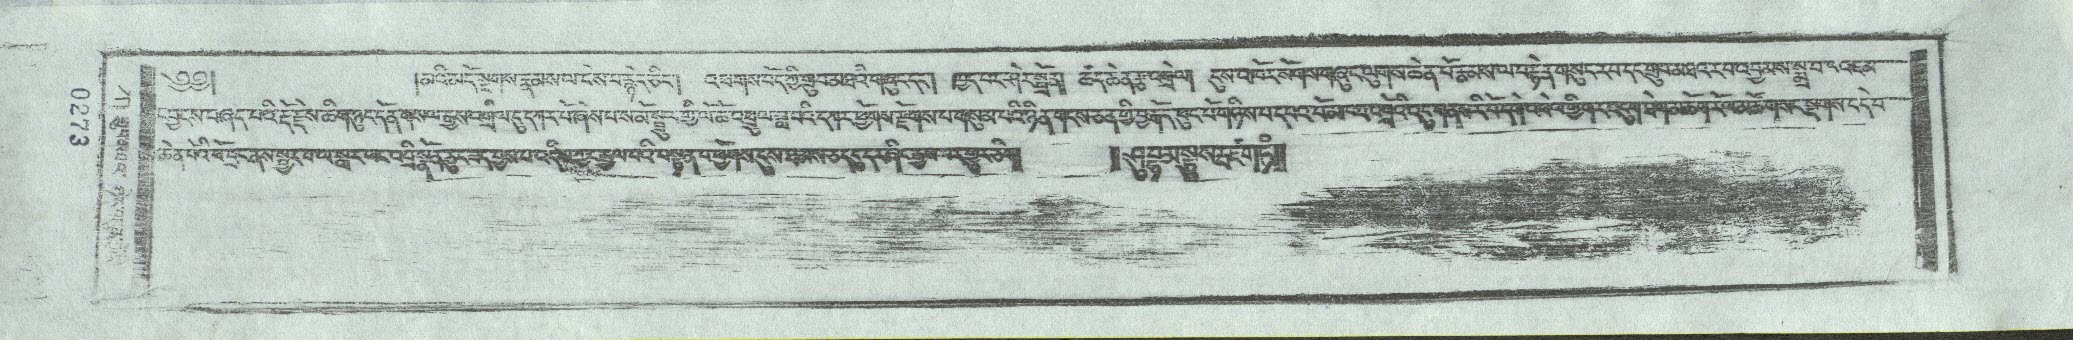༄༅། །མའི་མདོ་སྔགས་རྣམས་ལ་ངེས་བརྙེད་ཅིང་། འཕགས་བོད་ཀྱི་གྲུབ་མཐའ་གཞུང་དང་ཁྱད་བང་ཤེར་སྒྲོན། ཚད་ཆེན་རྩ་འགྲེལ། དུས་འཁོར་སོགས་གཞུང་ལུགས་ཆེན་པོ་རྣམས་ལ་བརྟེན་གསུང་རབ་དང་གྲུབ་མཐའ་རང་པ་འབྱམས་སྨྲས་??
དབྱངས་བཞད་པའི་རྡོ་རྗེས་ཆིག་ཉུང་དོན་གསལ་རྒྱུས་འགྲིལ་དུ་དཀར་པོ་ཞེས་པས་མོ་སྤྲུལ་གྱི་ལོ་ཆོ་འཕྲུལ་ཟླ་བའི་དཀར་ཕྱོགས་རྫོགས་པ་གསུམ་བའི་ཉིན་གང་ཅན་གྱི་བྱ་རྒོད་ཕུང་པོ་གཉིས་པ་དཔའ་བོ་མཁའ་འགྲོའི་འདུག་ནས་རི་བོ་དགེ་འཕེལ་གྱི་གང་འདུག་ཐེག་མཆོག?་བོལ་མཚེ་གསང་སྔགས་འདེ་བ་
ཆེན་པེའི་ཕོ་བྲང་ནས་སྦྱང་བ་ལ་སླར་ཡང་འབྲི་སྣོན་ཅུང་ཟད་བྱས་པ་འདིས་ཀྱང་རྒྱལ་བའི་བསྟན་པ་ཕྱ་ནས་དུས་ཐམས་ཅད་དུ་དང་ཞིང་རྒྱས་པར་གྱུར་ཅིག།། །ཤུབྷམ་སྟུ་སརྦ་ཛག་ཏཾ།